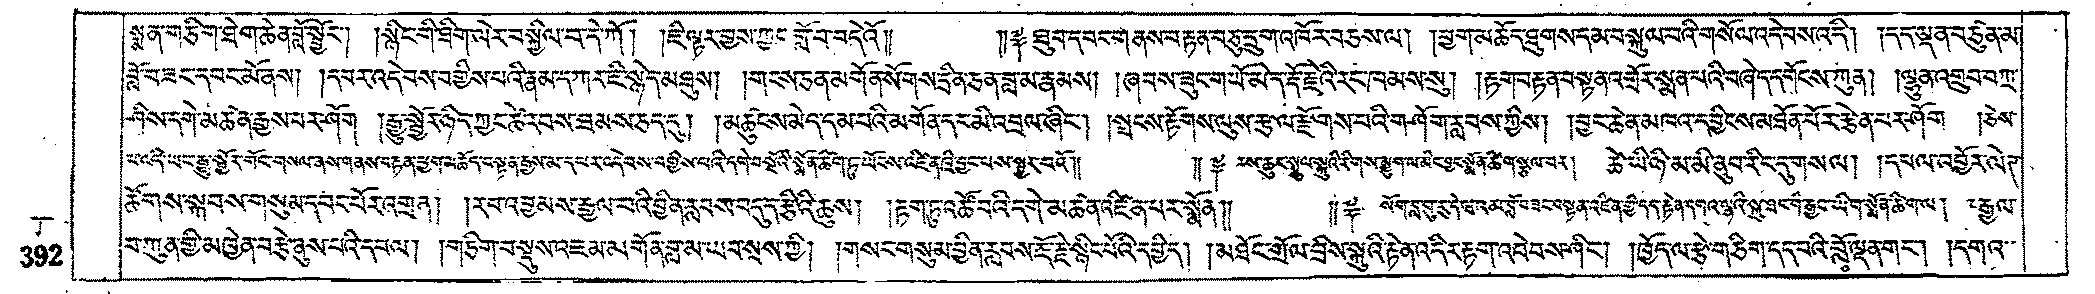སྨན་གཅིག་ཐེག་ཆེན་བློས་བྱོང་། །སྙིང་གི་ཐིག་ལེར་བསྐྱིལ་བ་དེ་ཀོ། །ཇི་ལྟར་བྱས་ཀྱང་གློ་བ་བདེའོ།། །།འ་ཐུབ་དབང་གནས་བརྟན་བཅུ་དྲུག་འཁོར་བཅས་ལ། །ཕྱག་མཆོད་ཐུགས་དམ་བསྐུལ་བའི་གསོལ་འདེབས་འདི། །དད་ལྡན་བཙུན་མ་
བློ་བཟང་དབང་མོ་ནས། །དཔར་འདེབས་བགྱིས་པའི་རྣམ་དཀར་ཇི་སྙེད་མཐུས། །གངས་ཅན་མགོན་སོགས་དྲིན་ཅན་བླ་མ་རྣམས། །ཞབས་ཟུང་གཡོ་མེད་རྡོ་རྗེའི་རང་ཁམས་སུ། །རྟག་བརྟན་བསྟན་འགྲོར་སྨན་པའི་བཞེད་དགོངས་ཀུན། །ལྷུན་འགྲུབ་བཀྲ་
ཤིས་དགེ་མཚན་རྒྱས་པར་ཤོག །རྒྱུ་སྦྱོར་ཉིད་ཀྱང་ཚེ་རབས་ཐམས་ཅད་དུ། །མཚུངས་མེད་དམ་པའི་མགོན་དང་མི་འབྲལ་ཞིང་། །སྤངས་རྟོགས་ལུས་རྩལ་རྫོགས་པའི་གཤོག་རླབས་ཀྱིས། །བྱང་ཆེན་མཁའ་དབྱིངས་མཐོན་པོར་རྩེན་པར་ཤོག །ཅེས་
པ་འདི་ཡང་རྒྱུ་སྦྱོར་གོང་གསལ་ནས་གནས་བརྟན་ཕྱག་མཆོད་བསྟན་རྒྱས་མ་དཔར་འདེབས་བགྱིས་པའི་དགེ་བསྔོའི་སྨོན་ཚིག་ཏུ་ཡོངས་འཛིན་ཁྲི་བྱང་པས་སྦྱར་བའོ།། །།འ་རས་ཆུང་སྤྲུལ་སྐུའི་རིགས་མྱུག་ལ་མིང་བྱང་སྨོན་ཚིག་སྩལ་བར། ཚེ་ཡི་ཉི་མ་མི་ནུབ་རིང་དུ་གསལ། །དཔལ་འབྱོར་ལེཌ་
ཚོགས་སྐབས་གསུམ་དབང་པོར་འགྲན། །རབ་འབྱམས་རྒྱལ་བའི་བྱིན་རླབས་བདུད་རྩིའི་ཆུས། །རྟག་ཏུ་འཚོ་བའི་དགེ་མཚན་འཛིན་པར་སྨོན།། །།འ་སོག་བླ་གུ་རུ་དེ་ཝ་འམ་བློ་བཟང་བསྟན་འཛིན་གྱི་དད་རྟེན་དགའ་ལྷའི་སྐུ་ཐང་གི་རྒྱབ་ཡིག་སྨོན་ཚིག་ལ།  ༧རྒྱལ་
བ་ཀུང་ཡི་མཁྱེན་བརྩེ་ནུས་པའི་དཔལ། །གཅིག་བསྡུས་འཇམ་མགོན་བླ་མ་ཡབ་སྲས་ཀྱི། །གསང་གསུམ་བྱིན་རླབས་རྡོ་རྗེ་སྙིང་པོའི་དཔྱིད། །མཐོང་གྲོལ་བྲིས་སྐུའི་རྟེན་འདིར་རྟག་འབེབས་ཤིང་། །ཁྱོད་ལ་རྩ་གཅིག་དད་པའི་བློ྾་ལྡན་གང་། །དགའ་་་